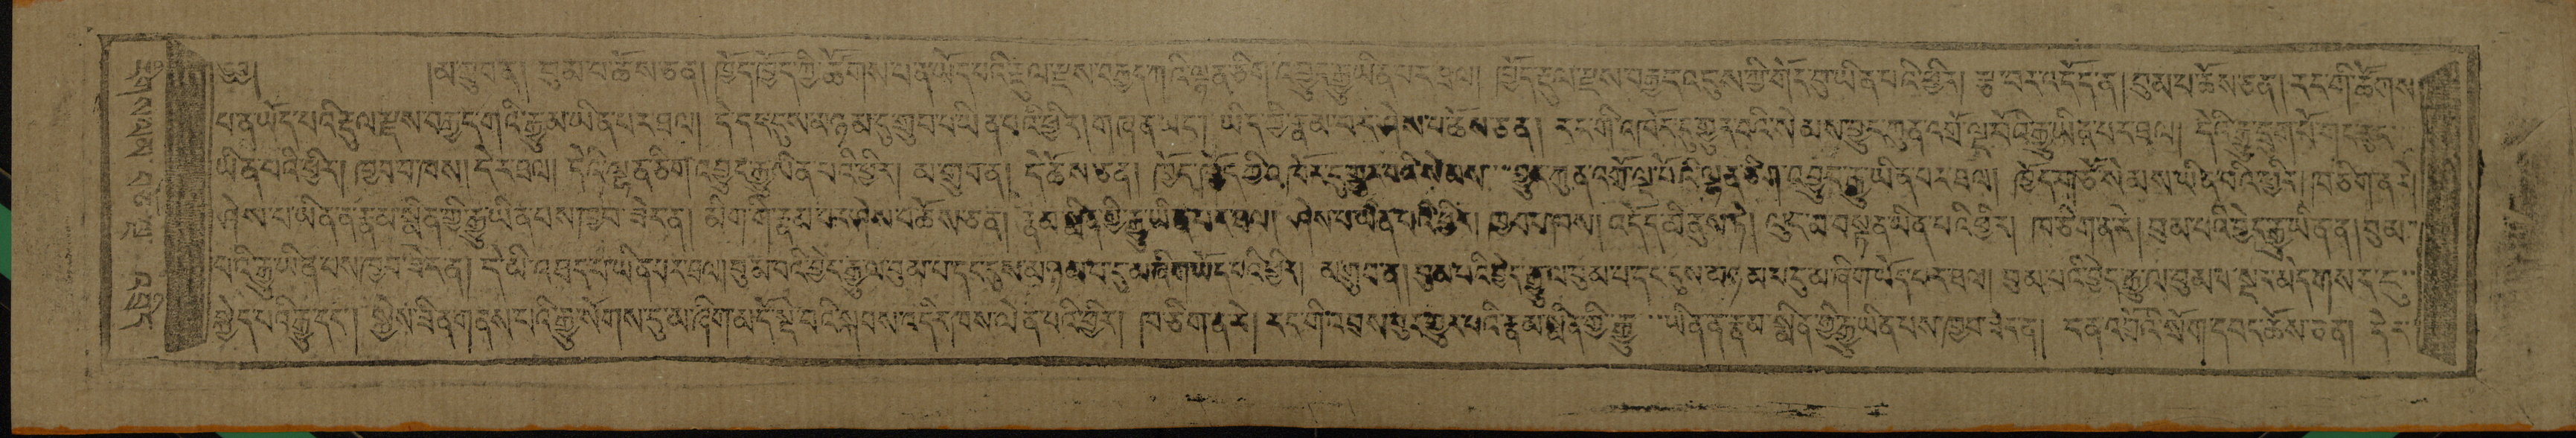༄༅། །མ་གྲུབ་ན། བུམ་པ་ཆོས་ཅན། ཁྱོད་ཁྱོད་ཀྱི་ཚོགས་པ་ན་ཡོད་པའི་རྡུལ་རྫས་བརྒྱད་ཀའི་ལྷན་ཅིག་འབྱུང་རྒྱུ་ཡིན་པར་ཐལ། ཁྱོད་རྡུལ་རྫས་བརྒྱད་འདུས་ཀྱི་གོང་བུ་ཡིན་པའི་ཕྱིར། རྩ་བར་འདོད་ན། བུམ་པ་ཆོས་ཅན། རང་གི་ཚོགས་
པ་ན་ཡོད་པའི་རྡུལ་རྫས་བརྒྱད་གའི་རྒྱུ་མ་ཡིན་པར་ཐལ། དེ་དང་དུས་མཉམ་དུ་གྲུབ་པ་ཡིན་པའི་ཕྱིར། གཞན་ཡང་། ཡིད་ཀྱི་རྣམ་པར་ཤེས་པ་ཆོས་ཅན། རང་གི་འཁོར་དུ་གྱུར་པའི་སེམས་འབྱུང་ཀུན་འགྲོ་ལྔ་བོའི་རྒྱུ་ཡིན་པར་ཐལ། དེའི་རྒྱུ་དྲུག་པོ་གང་རུང་
ཡིན་པའི་ཕྱིར། ཁྱབ་པ་ཁས། དེར་ཐལ། དེའི་ལྷན་ཅིག་འབྱུང་རྒྱུ་ཡིན་པའི་ཕྱིར། མ་གྲུབ་ན། དེ་ཆོས་ཅན། ཁྱོད་ཁྱོད་ཀྱི་འཁོར་དུ་གྱུར་བའི་སེམས་བྱུང་ཀུན་འགྲོ་ལྔ་པོའི་ལྷན་ཅིག་འབྱུང་རྒྱུ་ཡིན་པར་ཐལ། ཁྱོད་གཙོ་སེམས་ཡིན་པའི་ཕྱིར། ཁ་ཅིག་ན་རེ།
ཤེས་པ་ཡིན་ན་རྣམ་སྨིན་གྱི་རྒྱུ་ཡིན་པས་ཁྱབ་ཟེར་ན། མིག་གི་རྣམ་པར་ཤེས་པ་ཆོས་ཅན། རྣམ་སྨིན་གྱི་རྒྱུ་ཡིན་པར་ཐལ། ཤེས་པ་ཡིན་པའི་ཕྱིར། ཁྱབ་པ་ཁས། འདོད་མི་ནུས་ཏེ། ལུང་མ་བསྟན་ཡིན་པའི་ཕྱིར། ཁ་ཅིག་ན་རེ། བུམ་པའི་བྱེད་རྒྱུ་ཡིན་ན། བུམ་
པའི་རྒྱུ་ཡིན་པས་ཁྱབ་ཟེར་ན། དེ་མི་འཐད་པ་ཡིན་པར་ཐལ། བུམ་པའི་བྱེད་རྒྱུ་ལ་བུམ་པ་དང་དུས་མཉམ་པ་དུ་མ་ཞིག་ཡོད་པའི་ཕྱིར། མ་གྲུབ་ན། བུམ་པའི་བྱེད་རྒྱུ་ལ་བུམ་པ་དང་དུས་མཉམ་པ་དུ་མ་ཞིག་ཡོད་པར་ཐལ། བུམ་པའི་བྱེད་རྒྱུ་ལ་བུམ་པ་སྔར་མེད་གསར་དུ་
སྐྱེད་པའི་རྒྱུ་དང་། སྐྱེས་ཟིན་གནས་པའི་རྒྱུ་སོགས་དུ་མ་ཞིག་མདོ་སྡེ་བའི་སྐབས་འདིར་ཁས་ལེན་པའི་ཕྱིར། ཁ་ཅིག་ན་རེ། རང་གི་འབྲས་བུར་གྱུར་པའི་རྣམ་སྨིན་གྱི་རྒྱུ་ཡིན་ན་རྣམ་སྨིན་གྱི་རྒྱུ་ཡིན་པས་ཁྱབ་ཟེར་ན། ངན་འགྲོའི་སྲོག་དབང་ཆོས་ཅན། དེར་